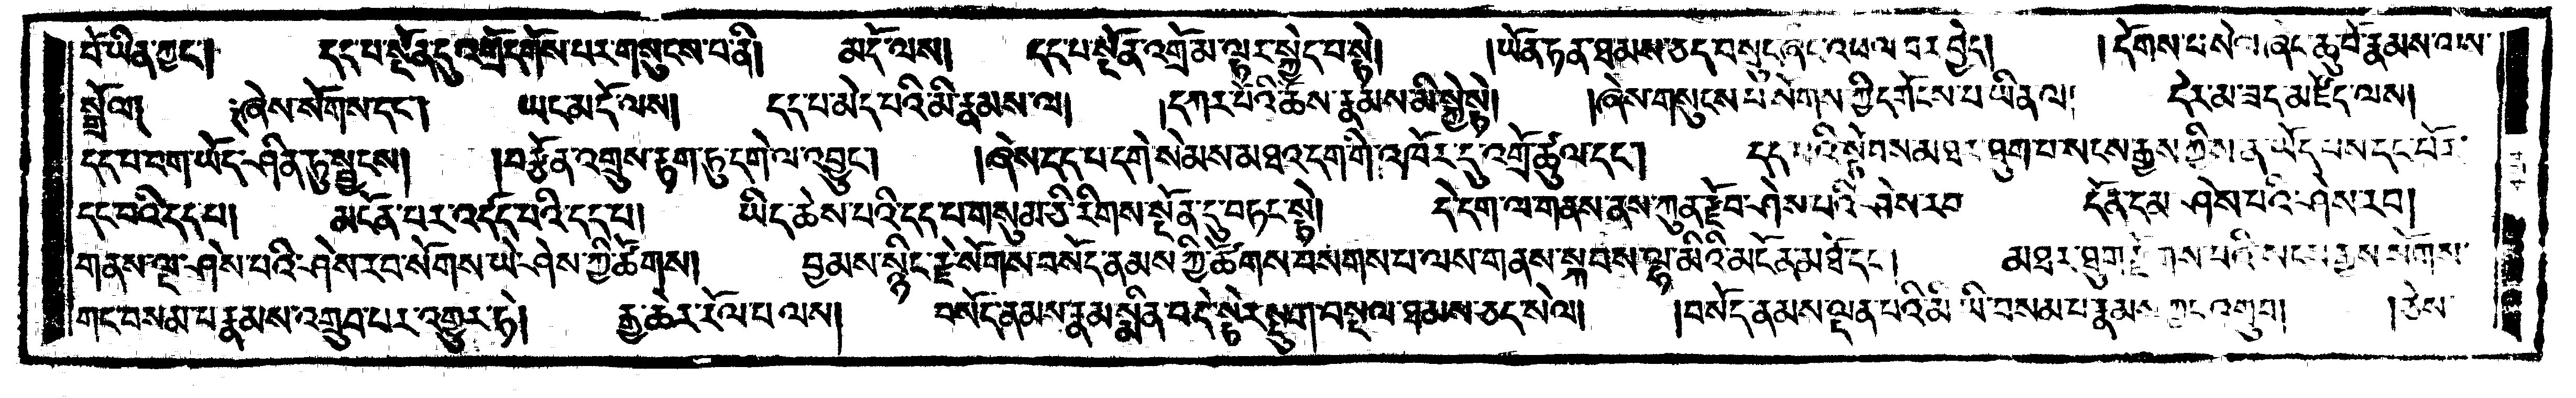བོ་ཡིན་ཀྱང་། དང་བསྔོན་དུ་འགྲོ་དགོས་པར་གསུངས་པ་ནི། མདོ་ལས། དད་པ་སྔོན་འགྲོམ་ལྟར་སྐྱེད་བ་སྟེ། །ཡོན་ཏན་ཐམས་ཅད་བསྲུང་ཞད་འཕལ་བར་བྱེད། །དོགས་པ་སེལ་ཞེང་ཆུ་བོ་རྣམས་ལས་
སྒྲོལ། །ཞེས་སོགས་དང་། ཡང་མདོ་ལས། དད་པ་མེད་པའི་མི་རྣམས་ལ། །དཀར་པོའི་ཆོས་རྣམས་མི་སྐྱེ་སྟེ། །ཞེས་གསུངས་པ་སོགས་ཀྱི་དགོངས་པ་ཡིན་ལ། དེར་མ་ཟད་མཛོད་ལས།
དད་པ་ངག་ཡོད་ཤིན་ཏུ་སྦྱངས། །བརྩོན་འགྲུས་རྟག་ཏུ་དགེ་ལ་འབྱུང་། །ཞེས་དད་པ་དགེ་སེམས་མཐའ་དག་གི་འཁོར་དུ་འགྲོ་ཚུལ་དང་། དད་པའི་སྟེ་བས་ཐར་ཐུག་བ་སངས་རྒྱས་ཀྱིས་ན་ཡོད་པས་དང་བོར་
དང་བའི་དད་པ། མངོན་པར་འདོད་པའི་དད་པ། ཡིད་ཆེས་པའི་དད་པ་གསུམ་ཅི་རིགས་སྔོན་དུ་བཏང་སྟེ། དེ་དག་ལ་གནས་ནས་ཀུན་རྫོབ་ཤེས་པའི་ཤེས་རབ་དོན་དམ་ཤེས་བའི་ཤེས་རབ།
གནས་ལྔ་ཤེས་པའི་ཤེས་རབ་སོགས་ཡེ་ཤེས་ཀྱི་ཚོགས། བྱམས་སྙིང་རྗེ་སོགས་བསོད་ནམས་ཀྱི་ཚོགས་བསགས་པ་ལས་གནས་སྐབས་ལྷ་མིའི་མངོན་མཐོ་དང་། མཐར་ཐུག་རྫོགས་པའི་སངས་རྒྱས་སོགས་
གང་བསམ་པ་རྣམས་འགྲུབ་པར་འགྱུར་ཏེ། རྒྱ་ཆེར་རོལ་བ་ལས། བསོད་ནམས་རྣམ་སྨིན་བདེ་སྟེར་སྡུག་བསྔལ་ཐམས་ཅད་སེལ། །བསོད་ནམས་ལྡན་པའི་མི་ཡི་བསམ་པ་རྣམས་ཀྱང་འགྲུབ། །ཅེས་